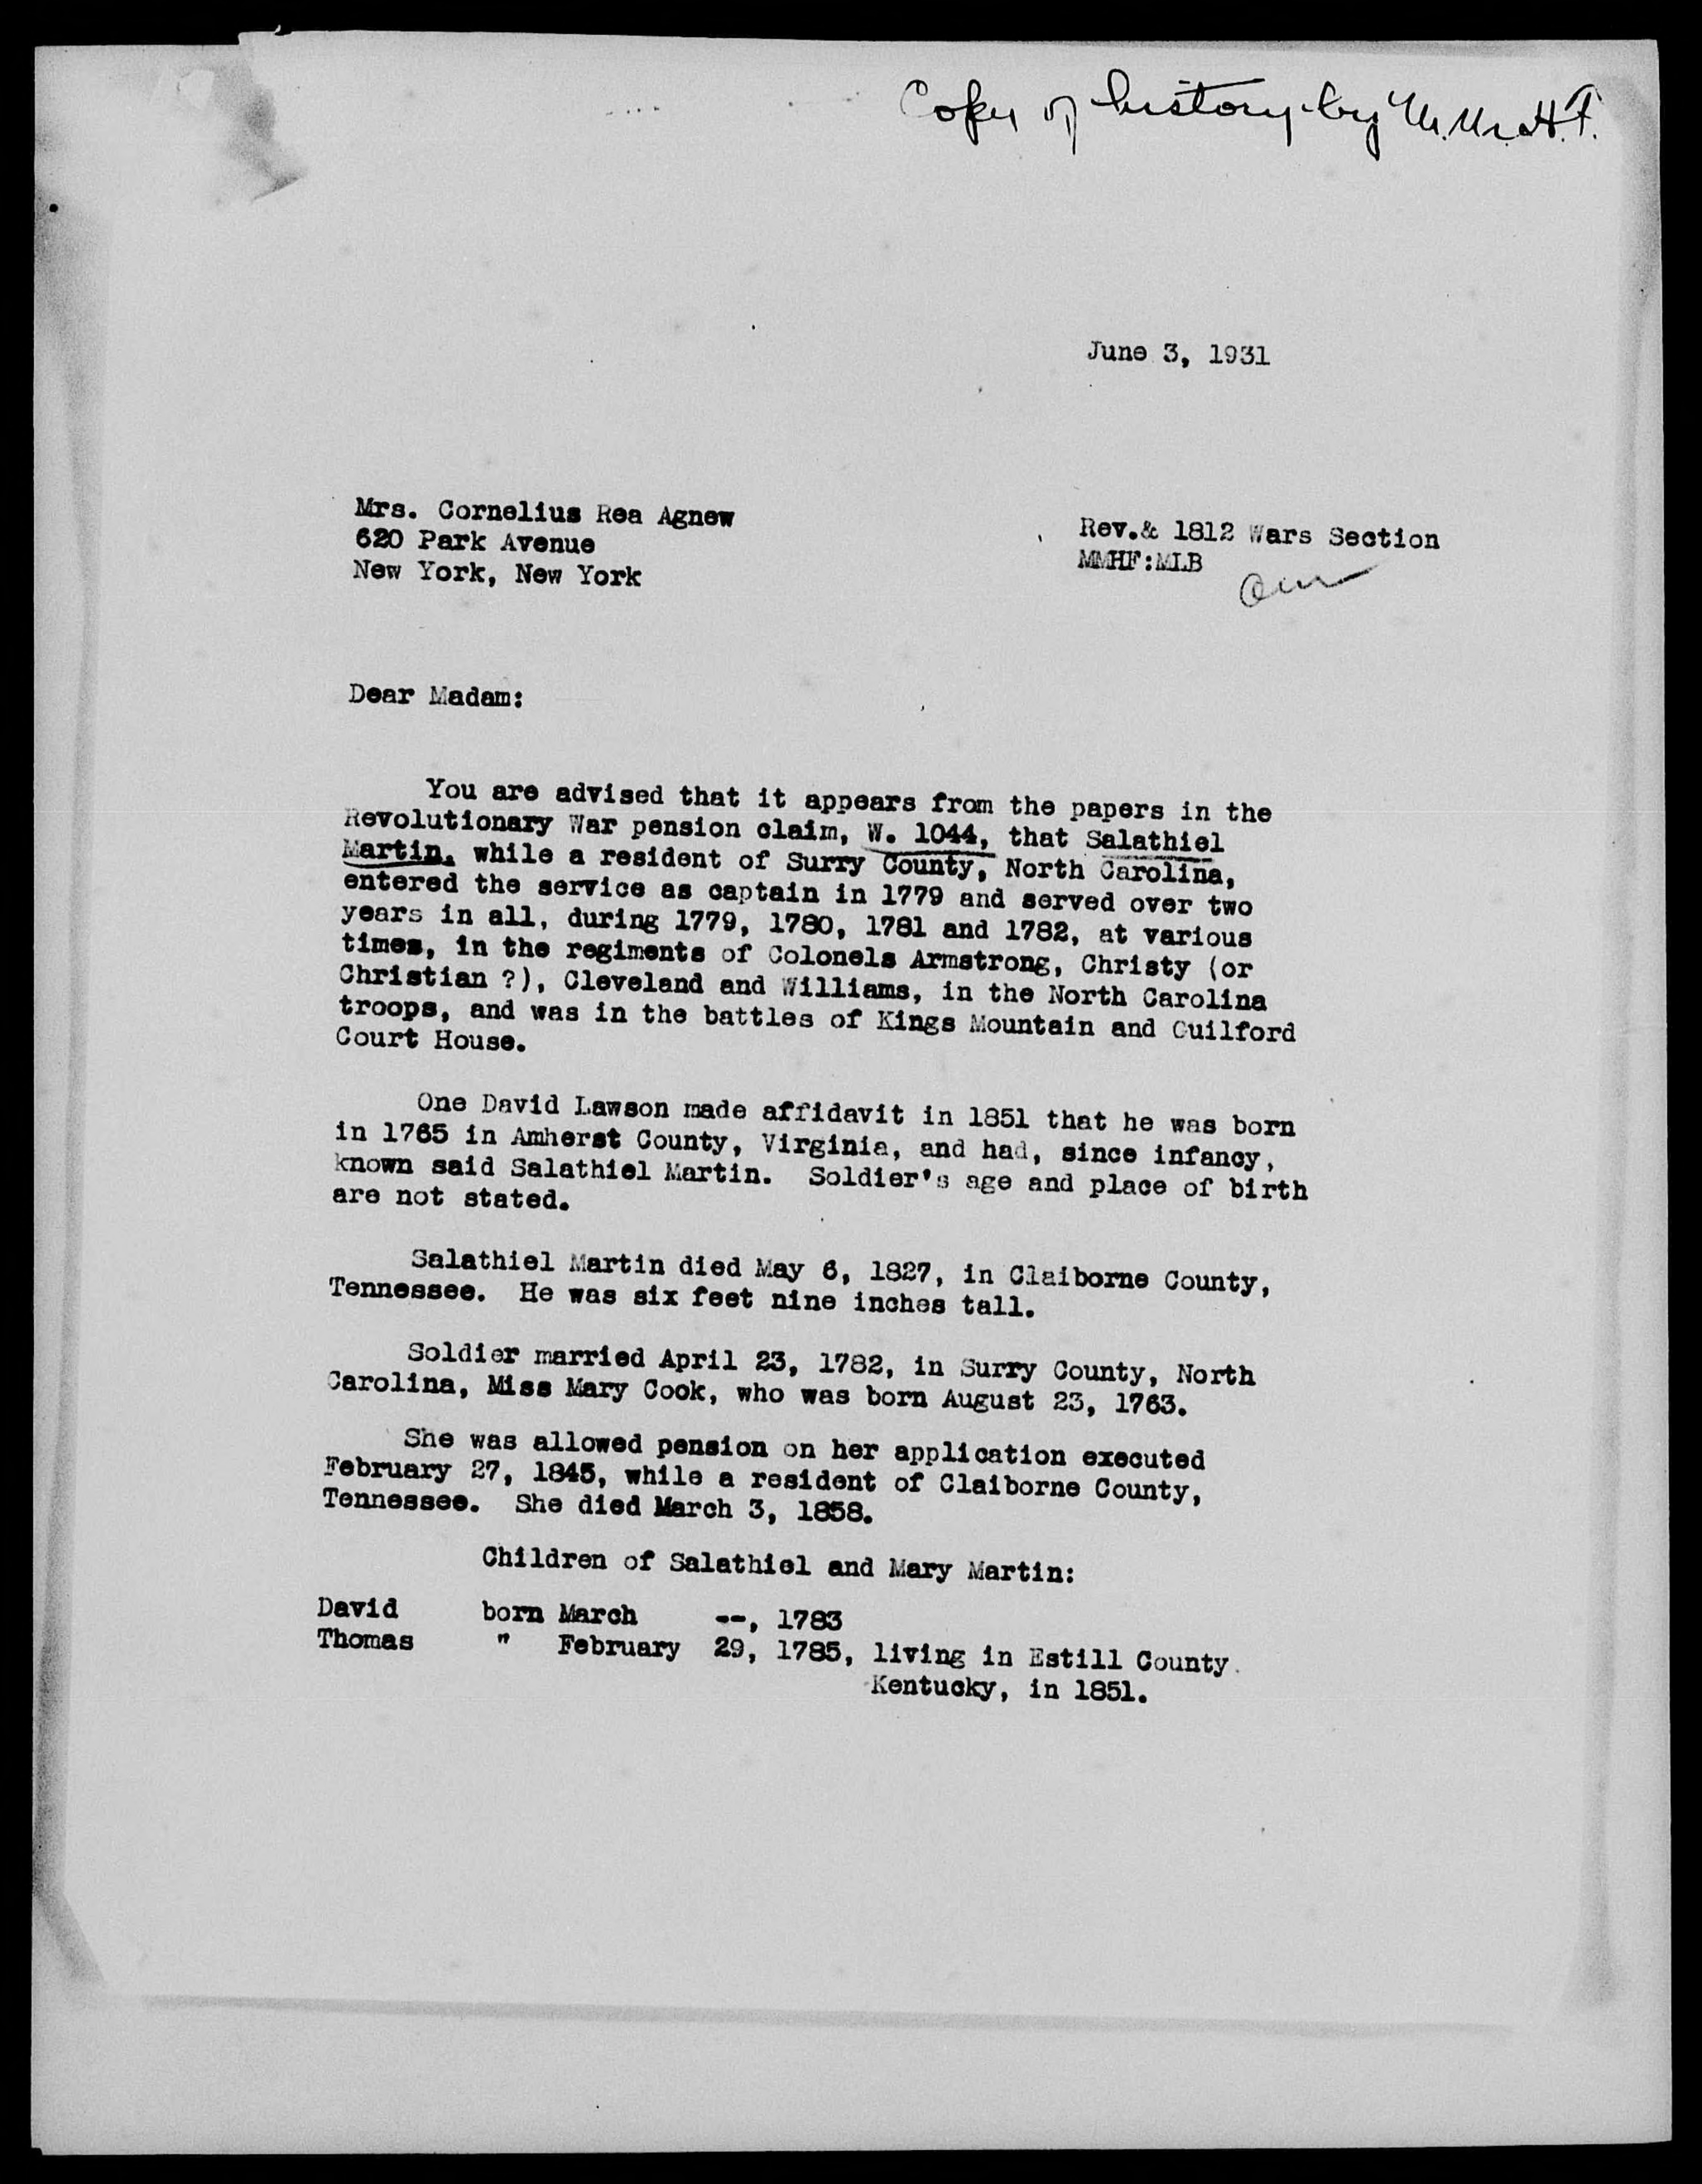[typed letter; handwritten notes]
Copy of history by W.M.H. F.
June 3, 1931 

Rev.& 1812 Wars Section 
MMHF:MLB 
Our 

Mrs. Cornelius Rea Agnew 
620 Park Avenue 
New York, New York 

Dear Madam: 

You are advised that it appears from the
papers in the 
Revolutionary War pension claim, W. 0144, that Salathiel
Martin, while a resident of Surry County, North Carolina, 
entered the service as captain in 1779 and served over two 
years in all, during 1779, 1780, 1781, and 1782, at various
times, in the regiments of Colonels Armstrong, Christy (or 
Christian ?), Cleveland and Williams, in the North Carolina 
troops, and was in the battles of Kings Mountain and Guilford Court House. 

One David Lawson made affidavit in 1851 that he was born
in 1765 in Amherst County, Virginia, and had , since infancy, 
known said Salathiel Martin.  Soldier's age and place of birth 
are not stated. 

Salathiel Martin died May 6, 1827, in Claiborne County, 
Tennessee. He was six feet nine inches tall. 

Soldier married April 23, 1782, in Surry County, North 
Carolina, Miss Mary Cook, who was born August 23, 1763. 

She was allowed pension on her application executed 
February 27, 1845, while a resident of Claiborne County, 
Tennessee. She died March 3, 1858. 

Children of Salathiel and Mary Martin: 

David born March -- [blank], 1783 
Thomas " February 29, 1785, living in Estill County 
Kentucky, in 1851.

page: 20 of 120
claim: widow's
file: W. 1044, for Salathiel Martin, North Carolina